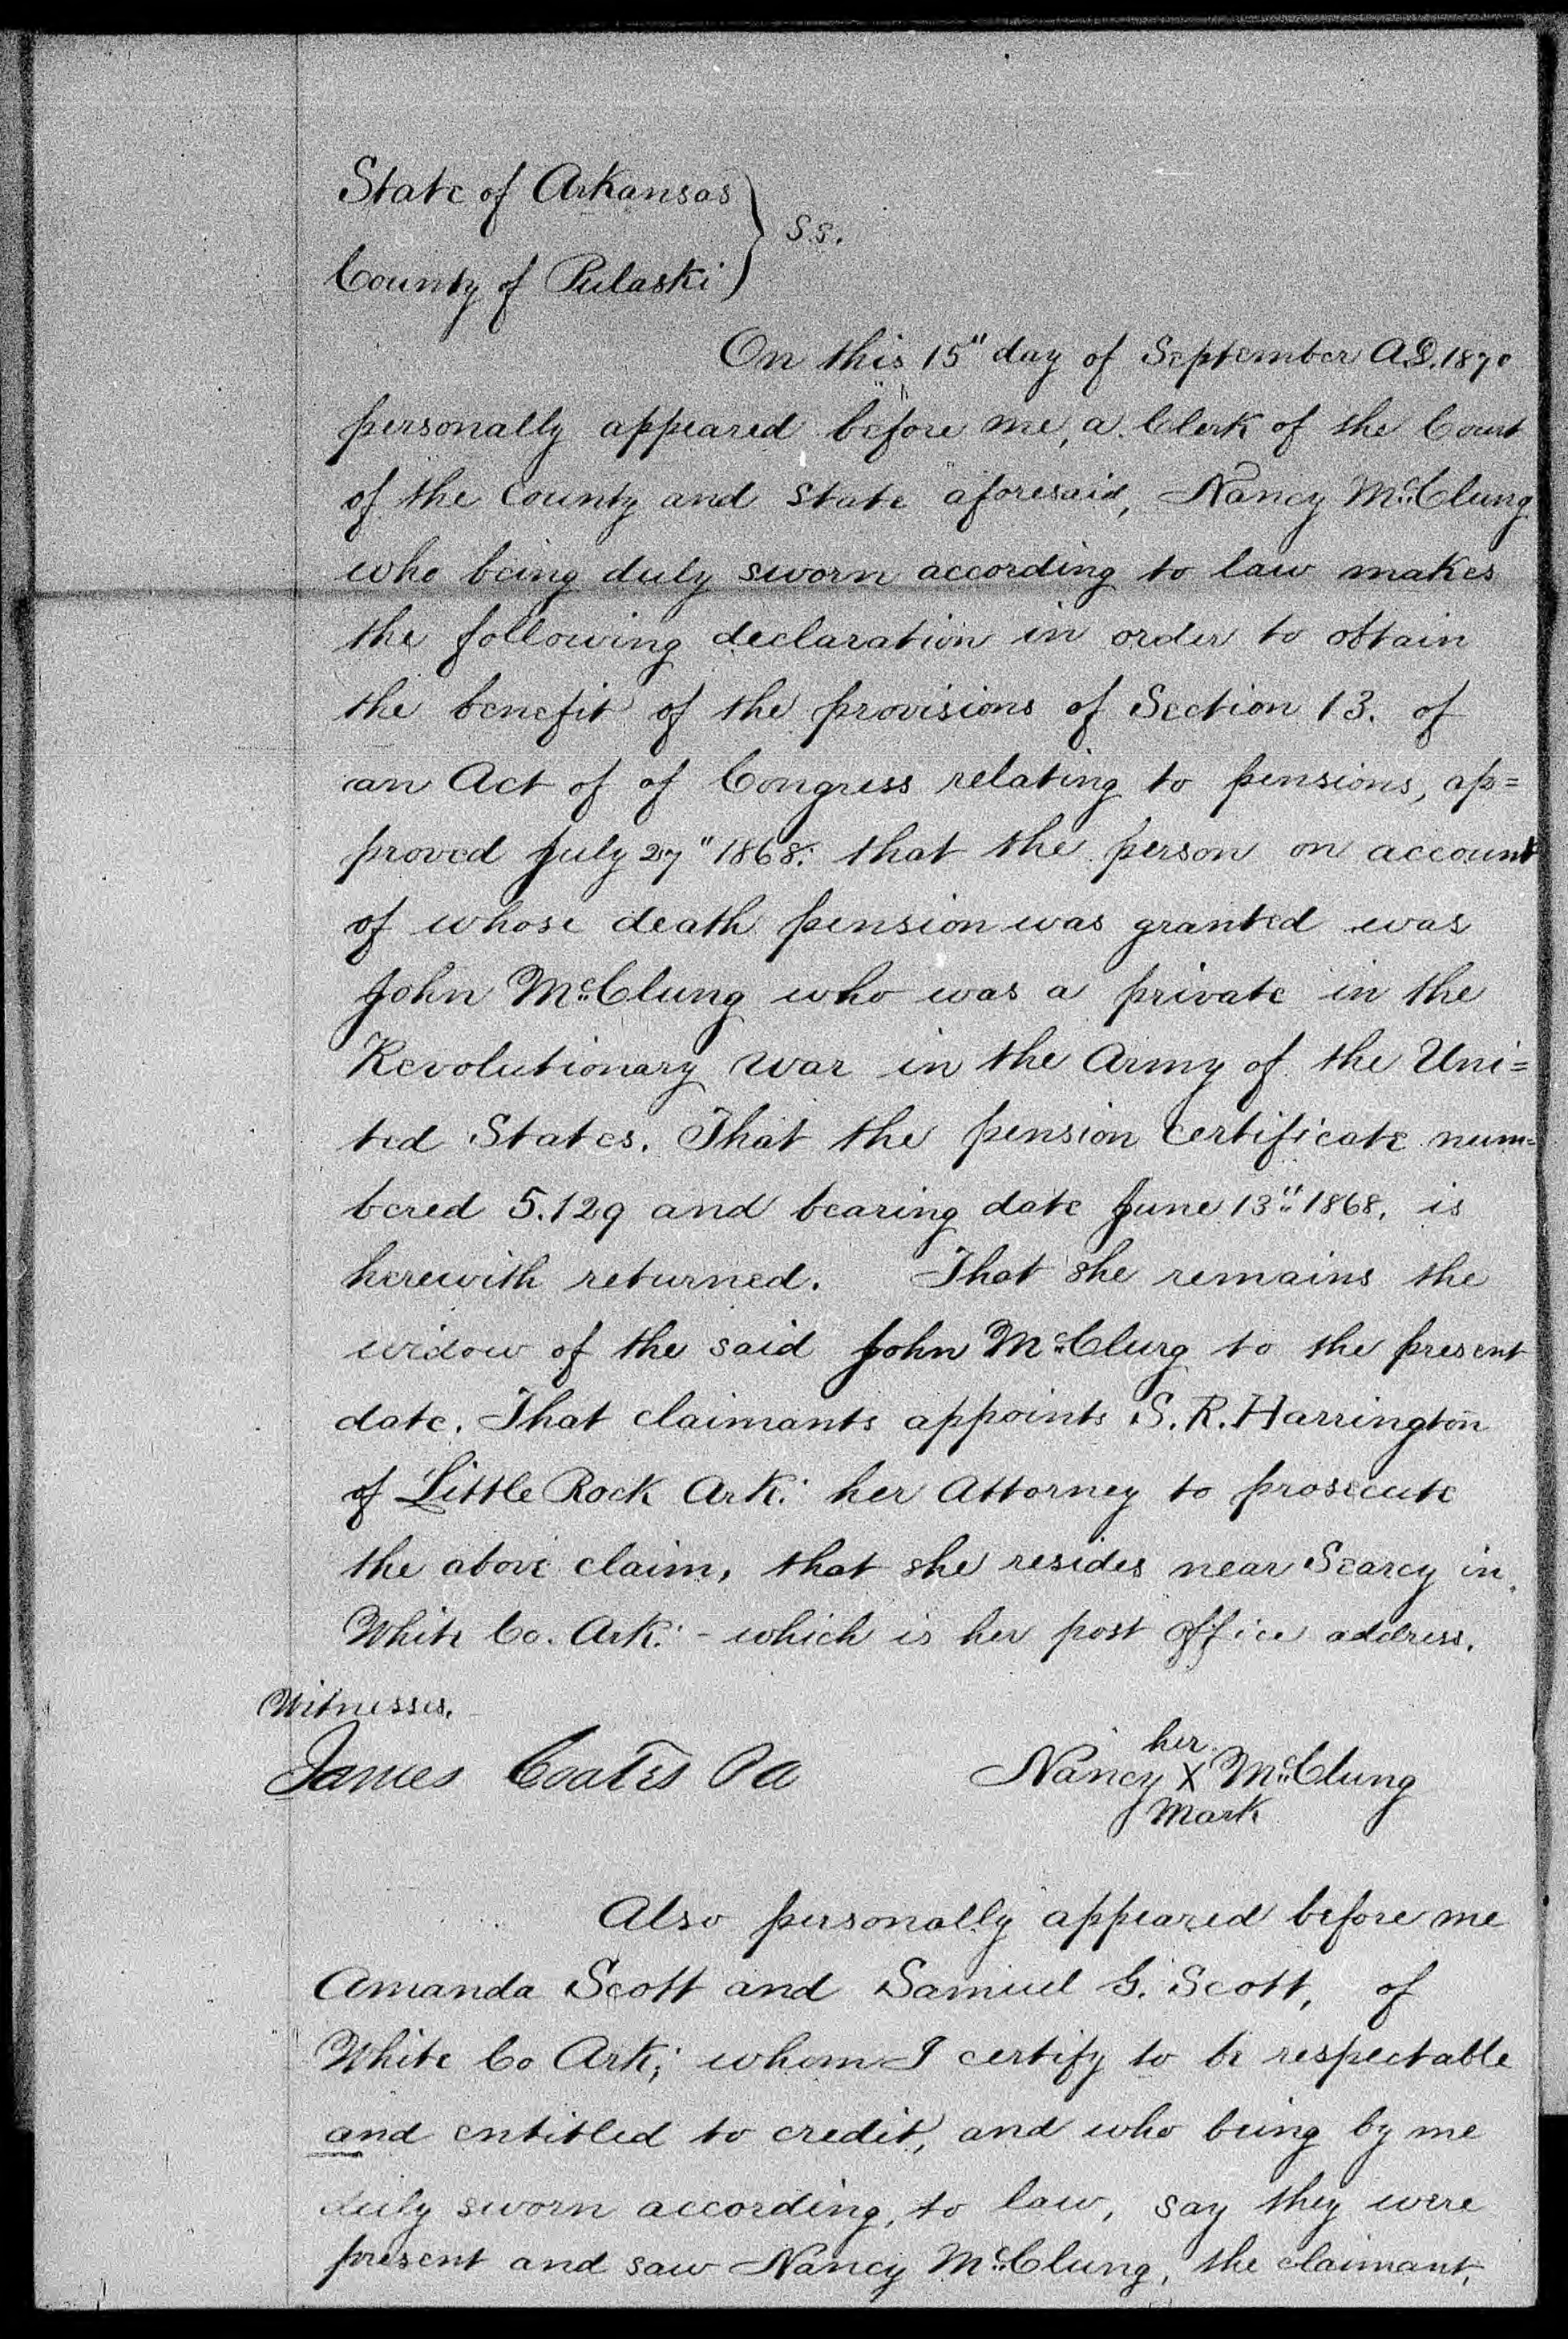State of Arkansas
County of Pulaski
On this 15" day of September A.D. 1870 personally appeared before me, a Clerk of the Court of the County and State aforesaid Nancy McClung who being duly sworn according to law makes the following declaration in order to obtain the benefit of the provisions of Section 13 of an act of of Congress relating to pensions, as proved July 27" 1868, that the person on account of whose death pension was granted was John McClung who was a private in the Revolutionary war in the Army of the United States. That the pension certificate numbered 5.129 and bearing date June 13th 1868, is
herewith returned That she remains the widow of the said John McClurg to the present date. That claimants appoint S.R. Harrington of Little Rock Ark her Attorney to prosecute the above claim, that she resides near Searcy in White Co. Ark which is her post office address
[signed] Nancy X McClung her Mark
Witnesses,
James Coates P.A.

Also personally appeared before me Amanda Scott and Samuel G. Scott, of White Co Ark; whom I certify to be respectable and entitled to credit, and who being by me duly sworn according to law, say they were present and saw Nancy McClung, the claimant,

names: John Mc Clung; Amanda Scott; Samuel G Scott; S R Harrington; James Coates; Nancy Mc Clung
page: 110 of 115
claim: widow's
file: W. 1446, for John Mc Clung, South Carolina